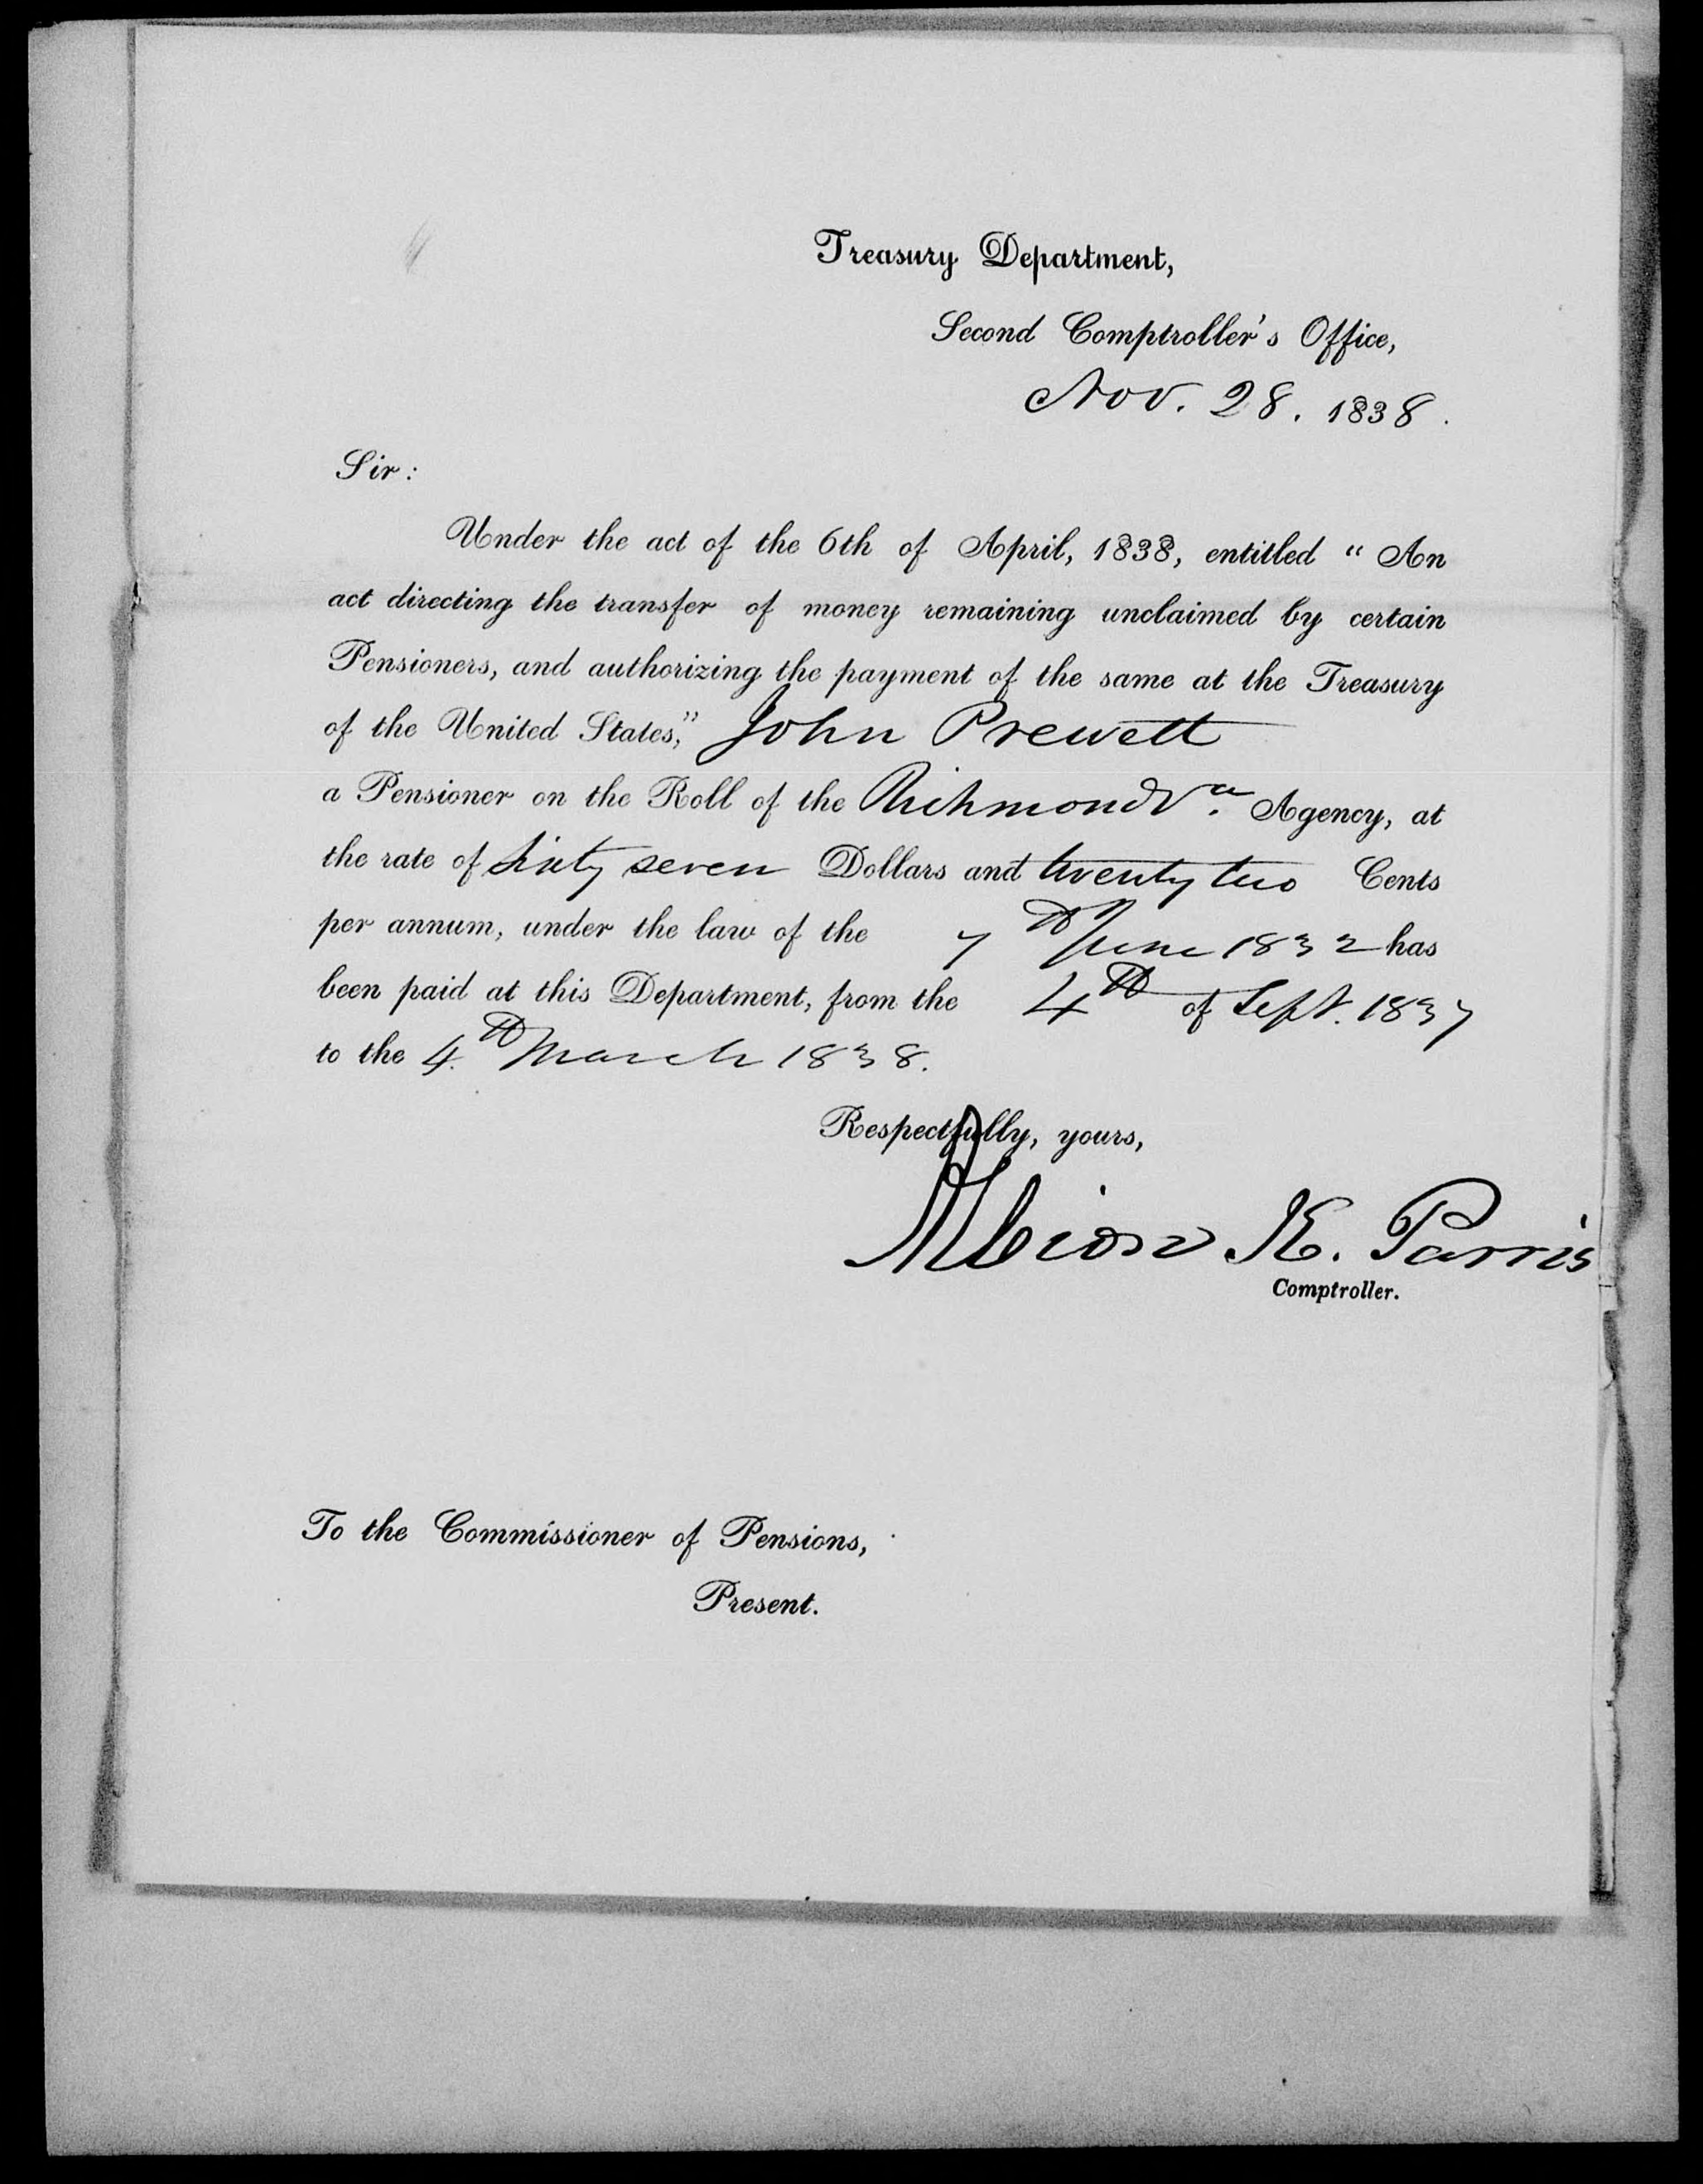TREASURY DEPARTMENT,
Second Comptroller's Office,
Nov. 28. 1838.

Sir:
Under the act of the 6th of April, 1838, entitled "An act directing the transfer of money remaining unclaimed by certain Pensioners, and authorizing the payment of the same at the Treasury of the United States," The widow of John Prewett a Pensioner on the Roll of the Richmond Va. Agency, at the rate of Sixty seven Dollars and twenty two Cents per annum, under the law of the 7th June 1832, has been paid at this Department, from the 4th of Sept. 1837 to the 4th March 1838.
Respectfully yours,
Albion K. Parris
Comptroller.

To the Commissioner of Pensions,
Present.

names: John Prewett; Albion K Parris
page: 27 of 35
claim: survivor's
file: S. 30,665, for John Prewett, Virginia